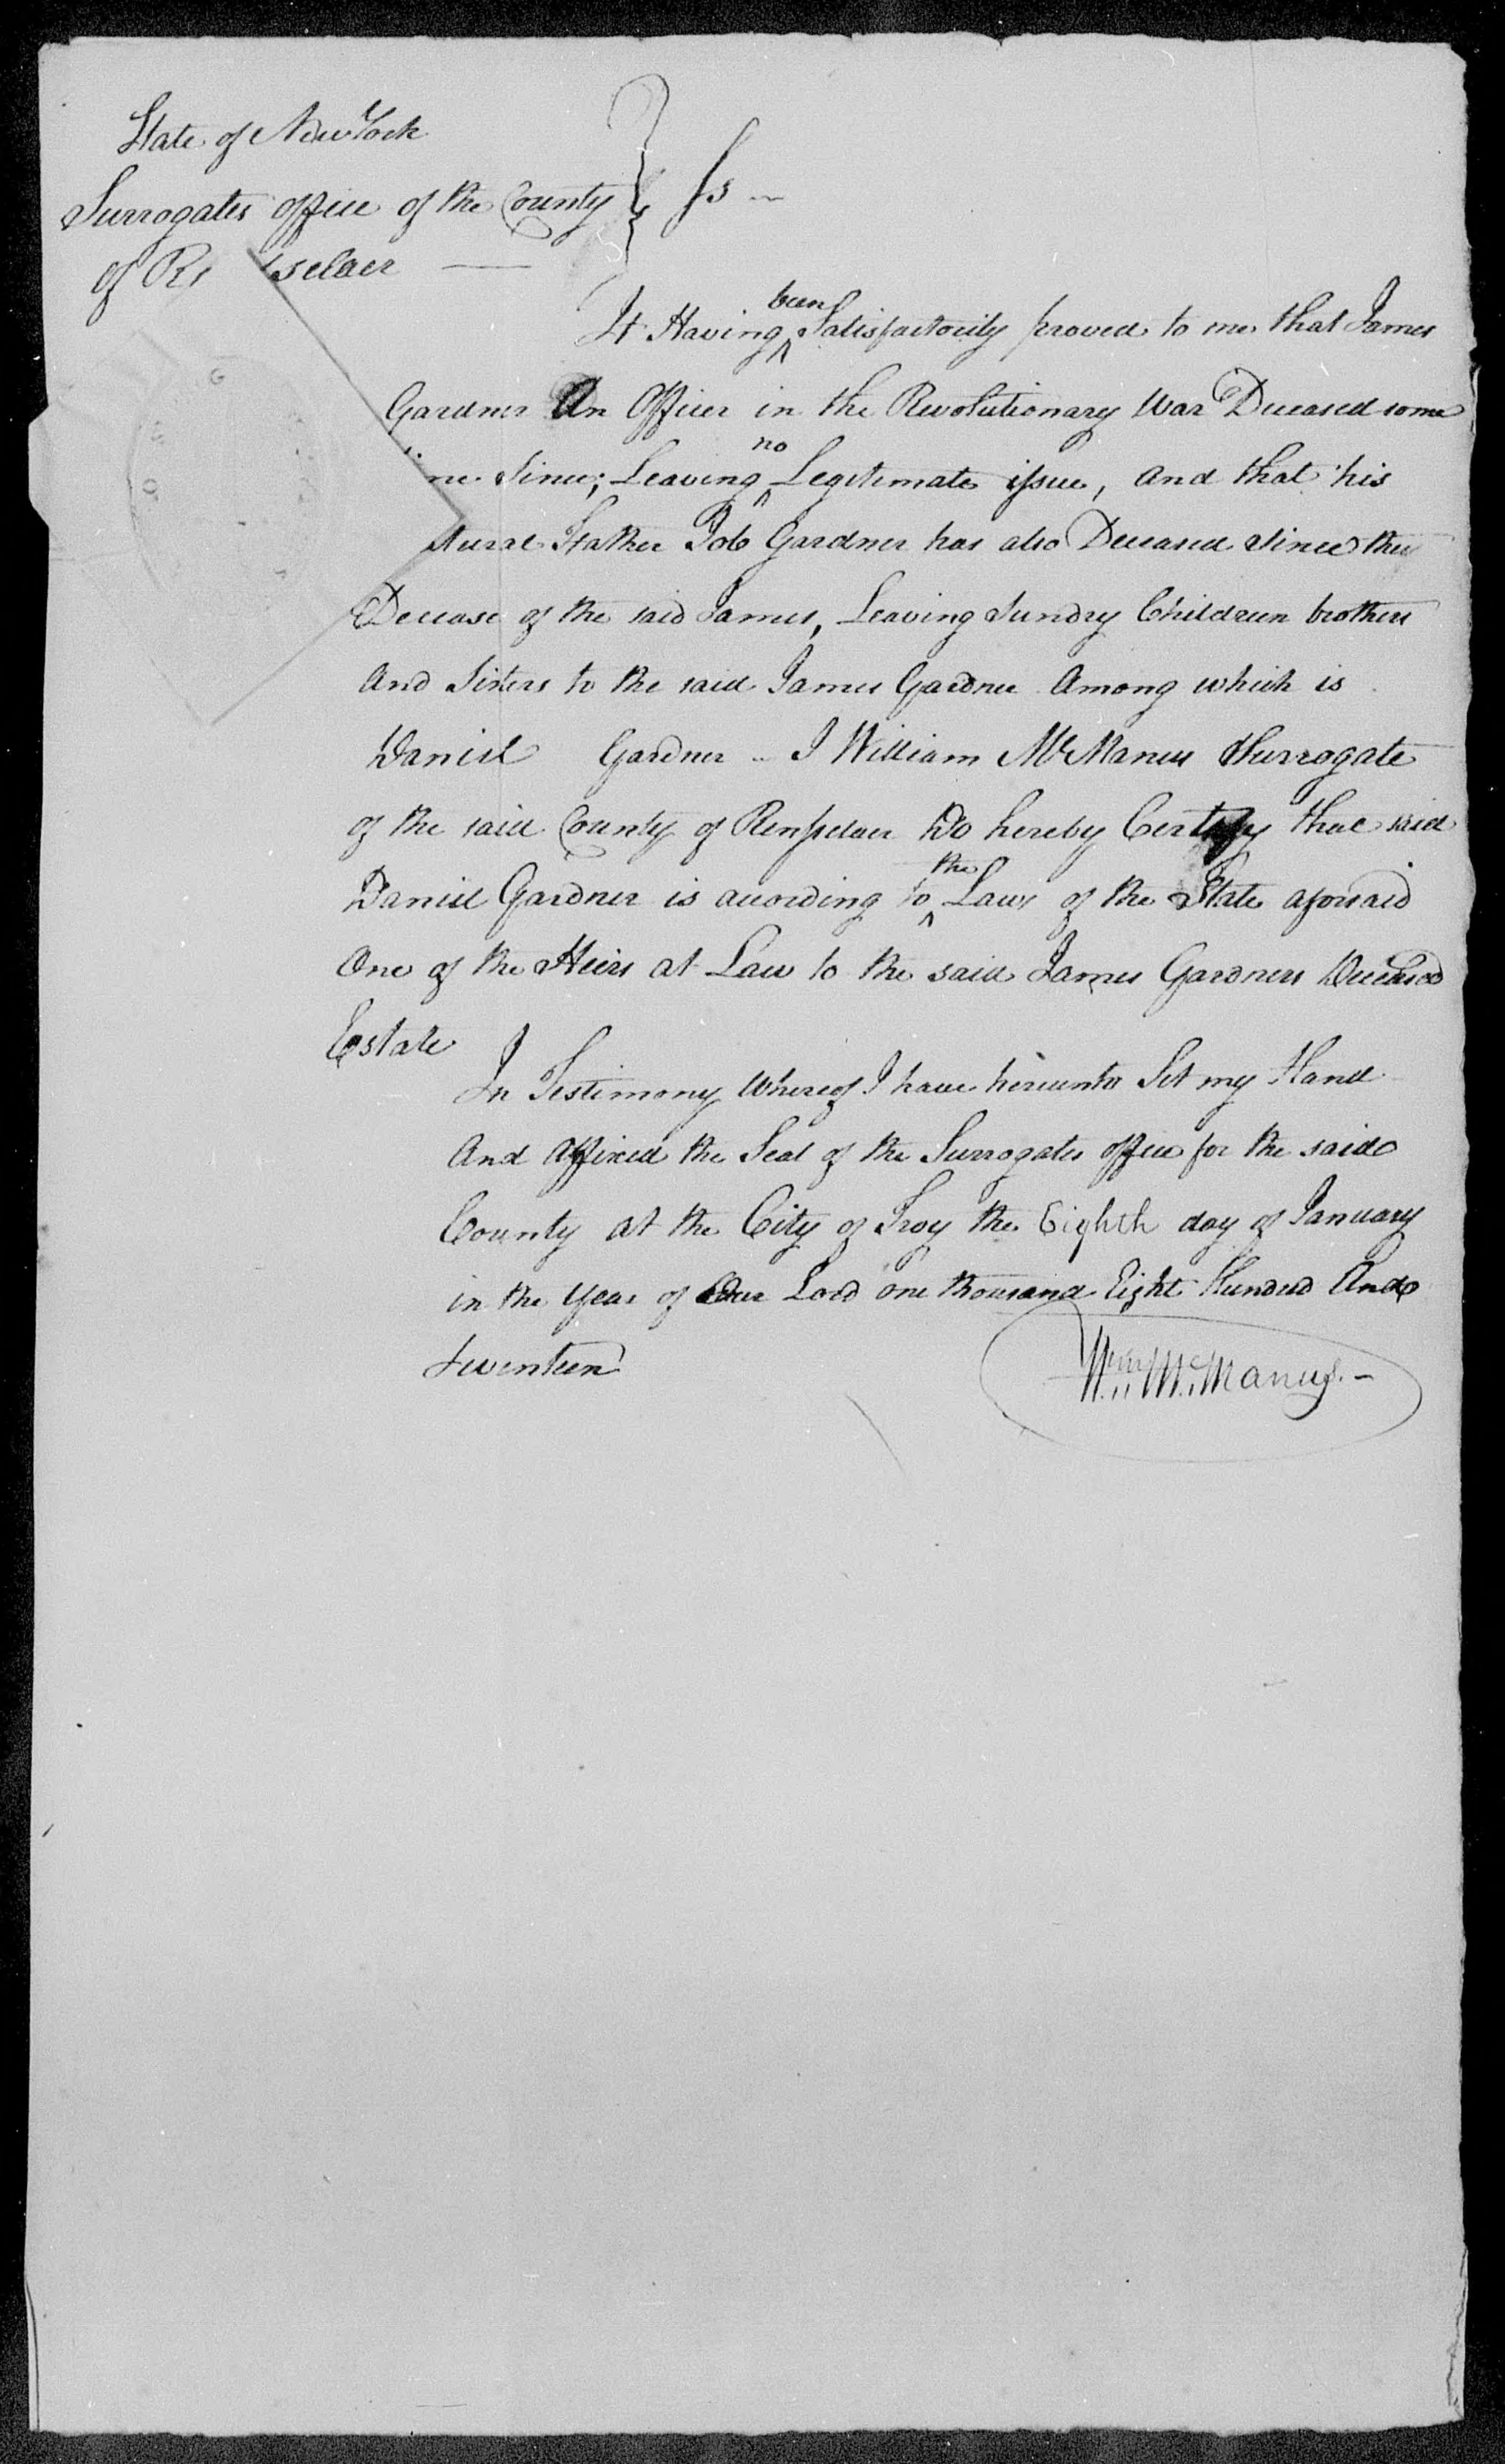[Note: a small square of paper that appears to have a seal stamped on it was placed on the upper left portion of the document, obscuring part of the text.]

State of New York
Surrogates Office of the County of Rensselaer

It Having been Satisfactorily proved to me that James Gardner An Officer in the Revolutionary War was Deceased some time Since; Leaving no Legitimate issues, and that his [obscured word] Father Job Gardner has also Deceased since the Decease of the said James, Leaving Sundry Children brother and Sisters to the said James Gardner Among which is Daniel Gardner  I William McManus Surrogate of the said County of Rensselaer Do hereby Certify that said Daniel Gardner is according to the Law of the State aforesaid One of the Heirs at Law to the said James Gardner Deceased Estate

In Testimony whereof I have hereunto Set my Hand and Affixed the Seal of the Surrogates office for the said County at the City of Troy the Eighth day of January in the year of our Lord one thousand Eight Hundred and Seventeen

                        Wm M McManus [signature]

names: William Mc Manus, James Gardner, Job Gardner, James Gardner, Daniel Gardner, Daniel Gardner, James Gardner, Wm Mc Manus, James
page: 14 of 18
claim: bounty land warrant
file: B. L. Wt. 668-200, James Gardner, Continental Artillery Parents Of N.Y.